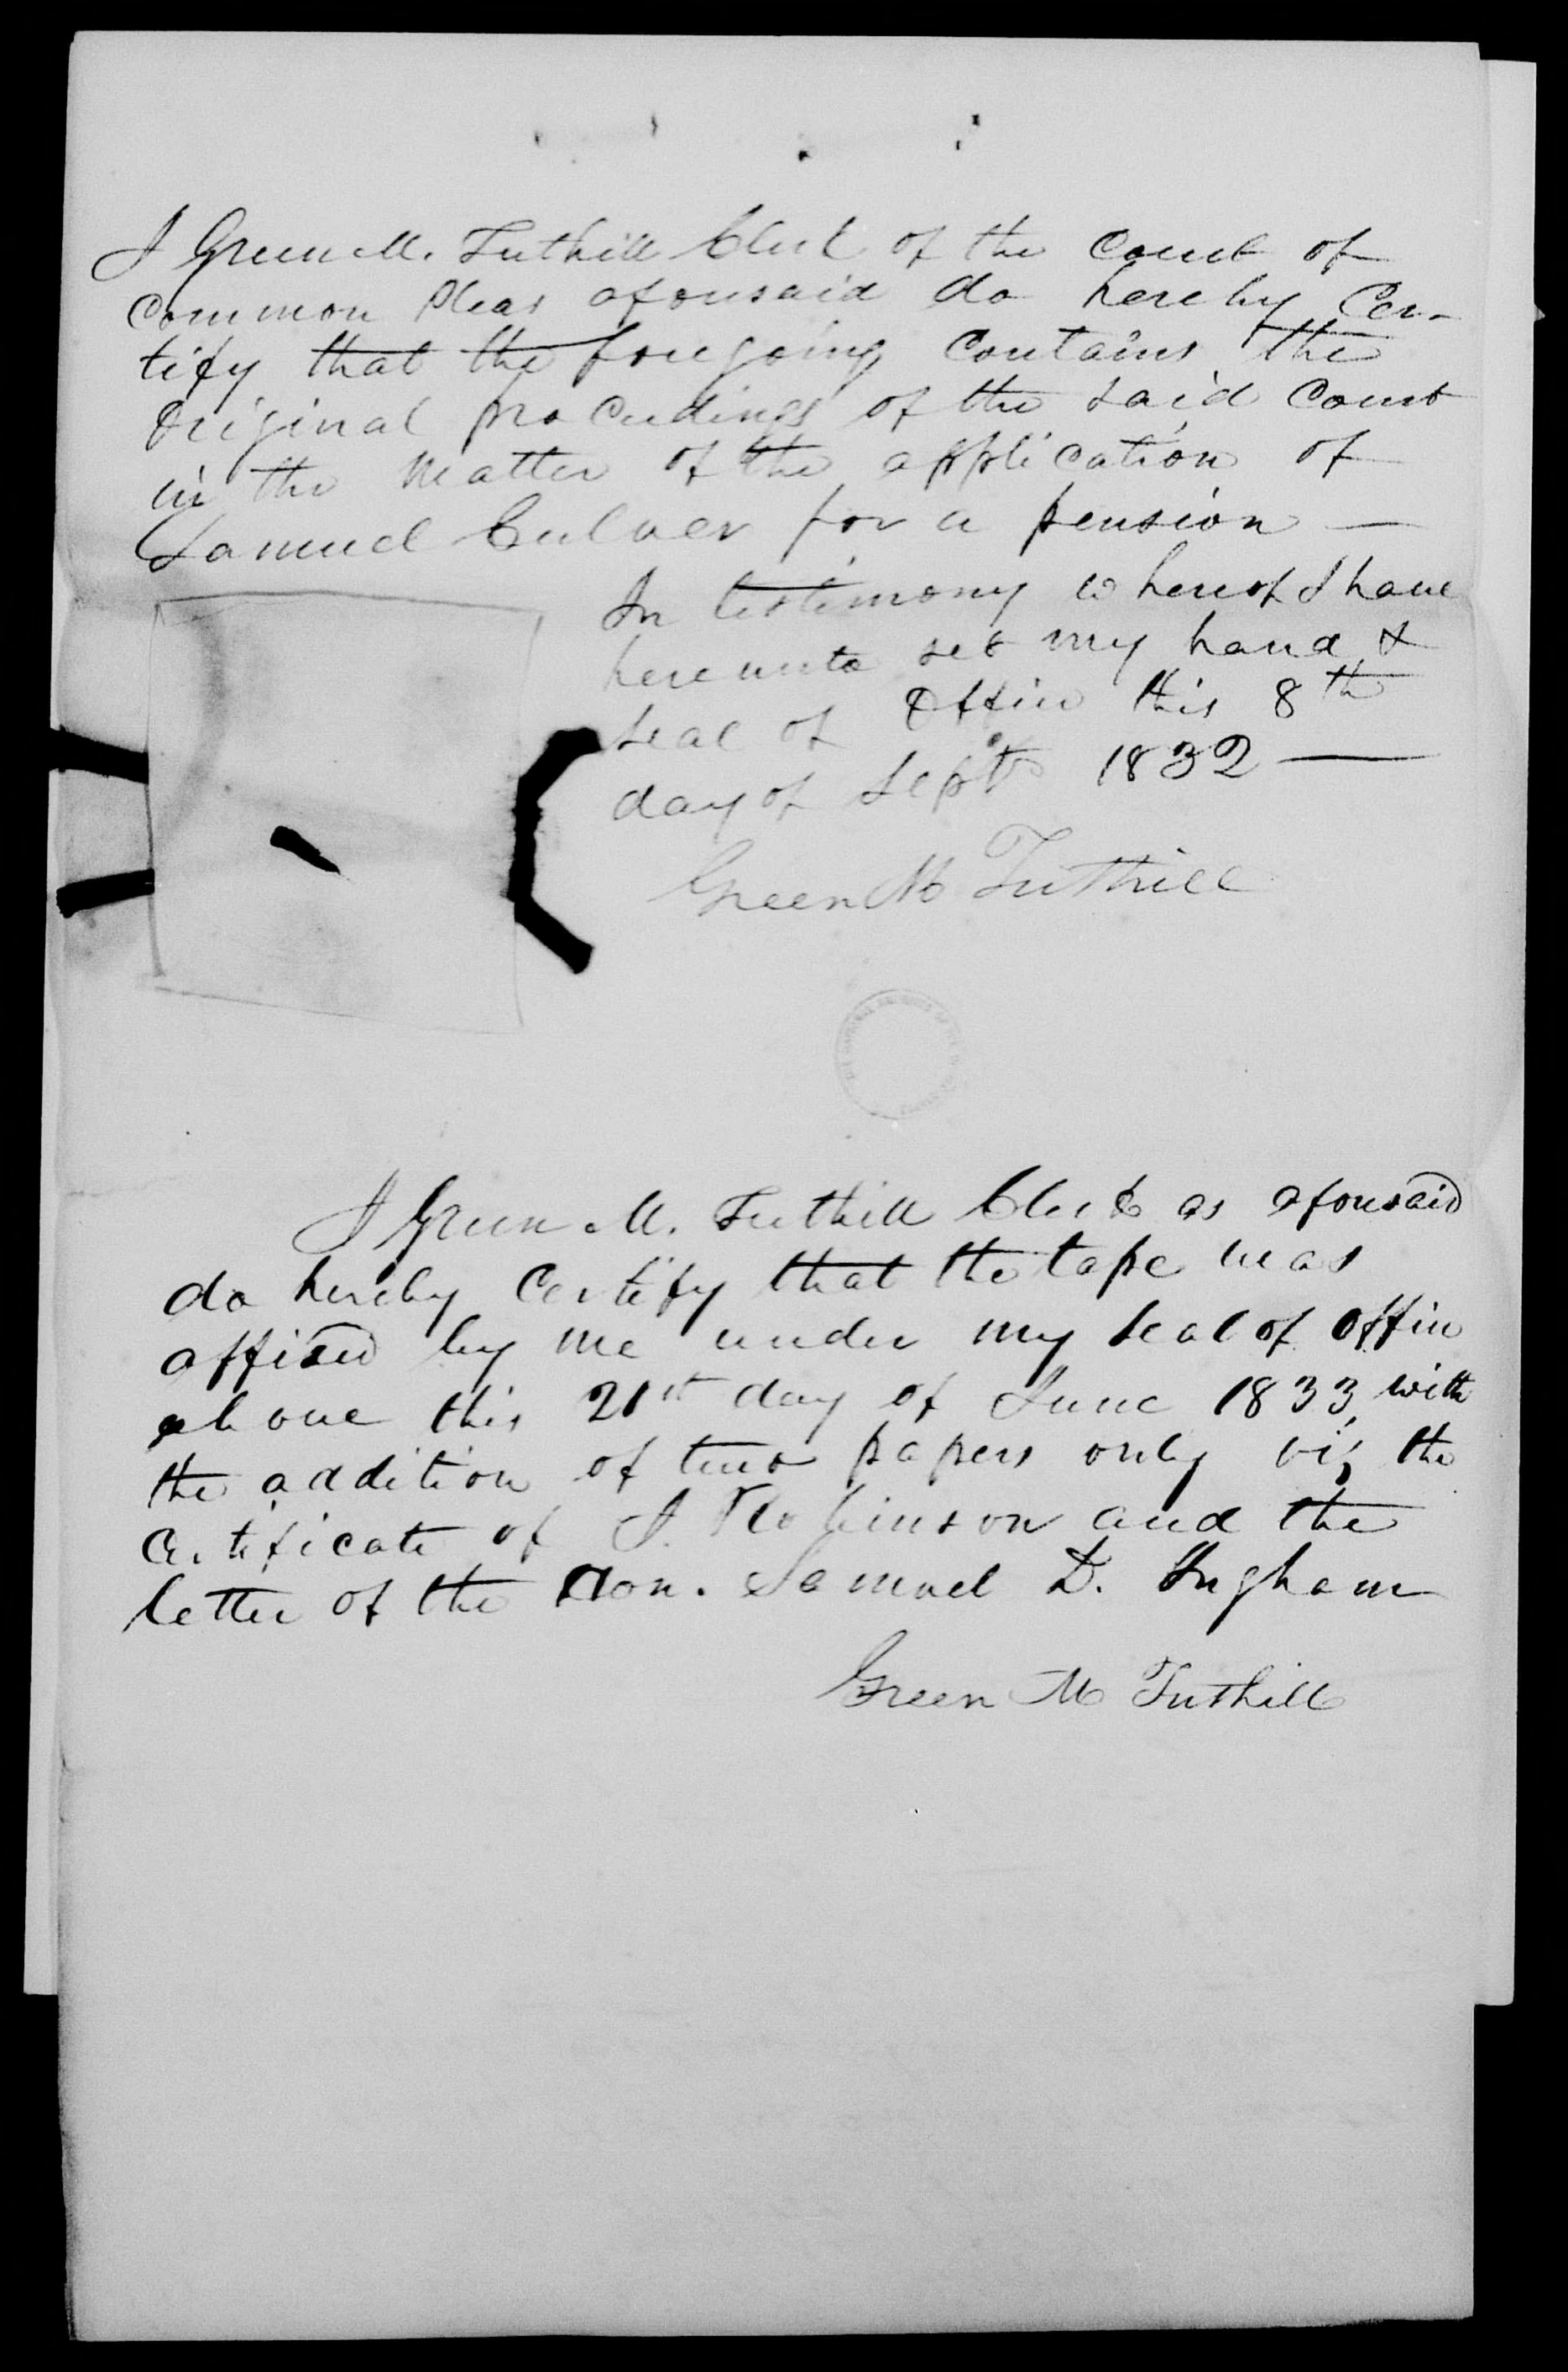I Green M. Clerk of the Court of 
Common Pleas aforesaid do hereby cer-
tify that the foregoing contains the
original proceedings of the said court
in the matter of the application of
Samuel Culver for a pension –

In testimony whereof I have 
hereunto set my hand &
seal of office this 8th
day of Sept 1832

Green M. Tuthill [signature]

[stamp – The National Archives of the United States]

I Green M. Tuthill Clerk of the aforesaid
do hereby certify that the tape was 
affixed by me under my seal of office
above this 21st day of June 1833 with 
the addition of two papers only by the
certificate of J. Robinson and the 
letter of the Hon. Samuel D.  Ingham

Green M. Tuthill [signature]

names: Samuel D Ingham, Green M Tuthill, Green M Tuthill, Green M Tuthill, Samuel Culver, J Robinson, Green M Tuthill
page: 28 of 40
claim: rejected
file: R. 1,570, Samuel Culver, New Jersey